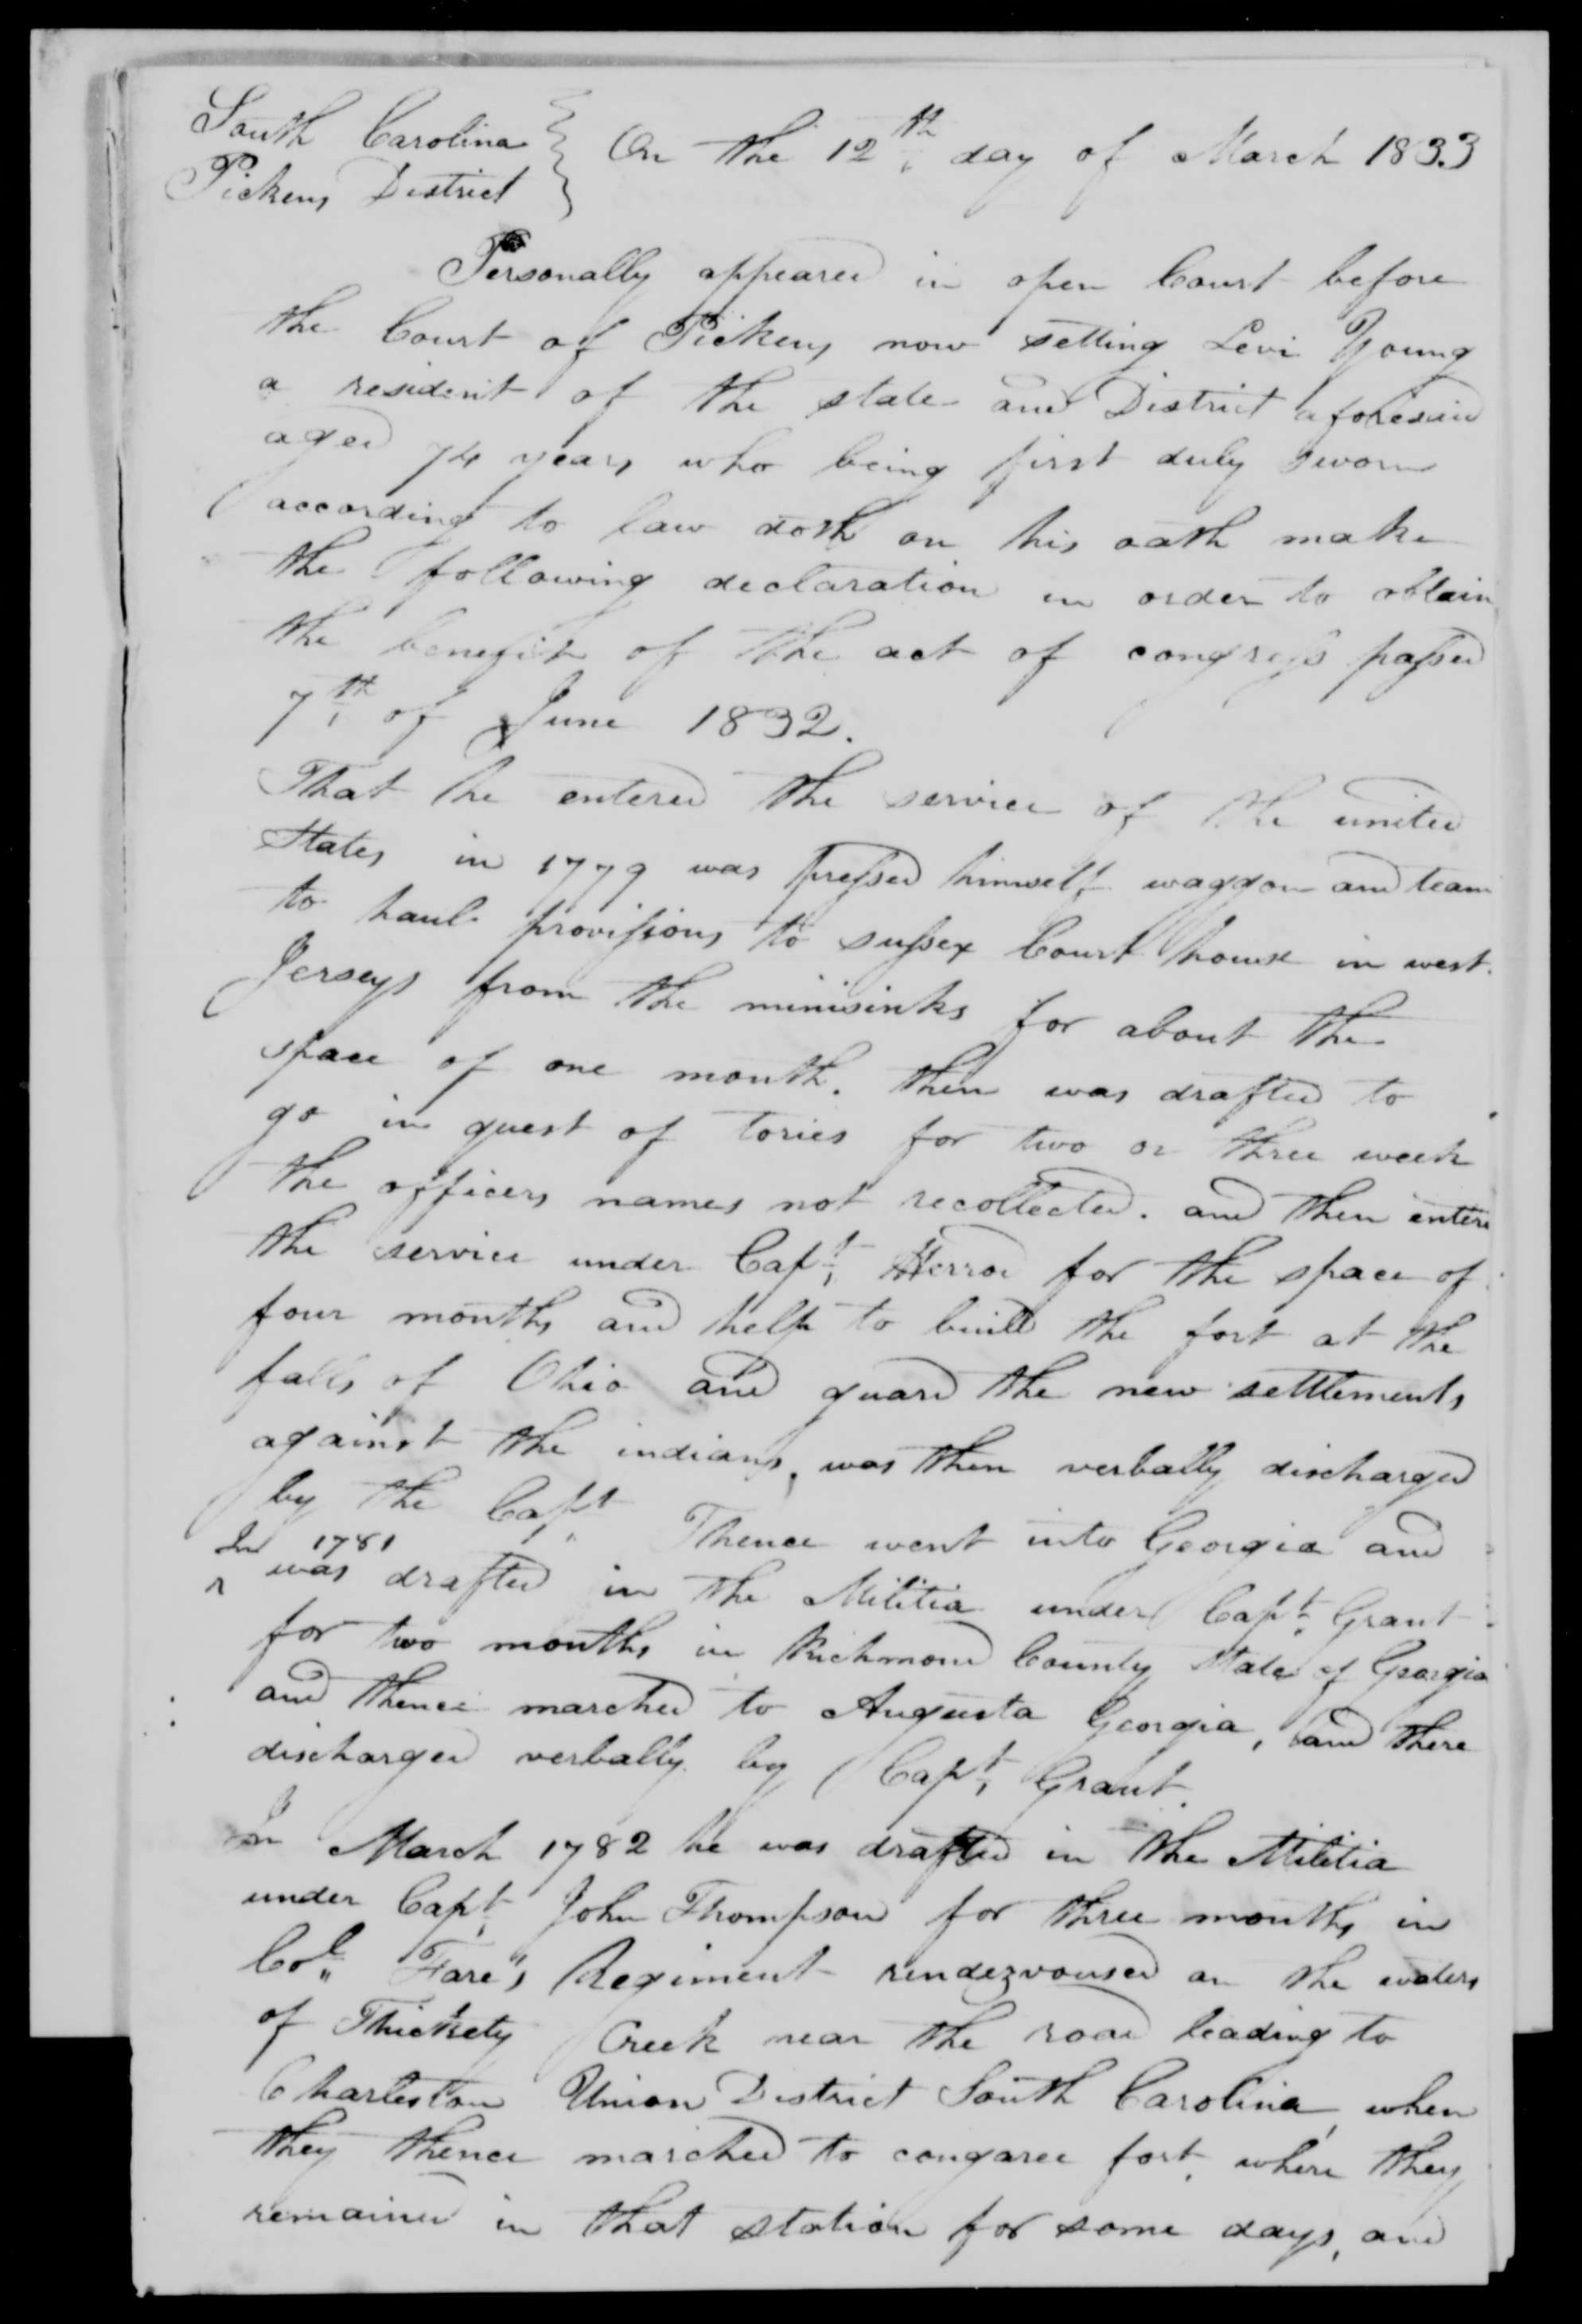South Carolina {  On the 12th day of March 1833
Pickens District {

Personally appeared in open Court before
the Court of Pickens now setting Levi Young
a resident of the State and District aforesaid
aged 74 years who being first duly sworn
according to law doth on his oath make
the following declaration in order to obtain
the benefit of the act of congress passed
7th of June 1832.
That he entered the service of the United
States in 1779 was pressed himself waggon (sic wagon) and team
to haul provisions to sussex (sic Sussex) Court house (sic House) in west 
Jersey from the minisinks (sic Minnisink region) for about the 
space of one month. Then was drafted to
go in quest of tories for two or three week (sic weeks)
the officers names not recollected. and then entered
the service under Capt. Herrod for the space of
four months and help to build the fort at the
falls of Ohio and guard the new settlements
against the indians, was then verbally discharged
by the Capt. Thence went into Georgia and
In 1781 was drafted in the Militia under Capt. Grant
for two months in Richmond County State of Georgia
and then marched to August Georgia, and there
discharged verbally by Capt Grant.
In March 1782 he was drafted in the Militia
under Capt. John Thompson for three months in
Col. Fare's Regiment rendezvoused on the waters
of Thickety Creek near the road leading to
Charleston Union District South Carolina when
they thence marched to congaree fort (sic Congaree Fort) where they
remained in that station for some days, and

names: Levi Young, John Thompson, Grant, Herrod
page: 5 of 56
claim: widow's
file: W. 9040, Levi Young, Ga. New Jersey S.C.